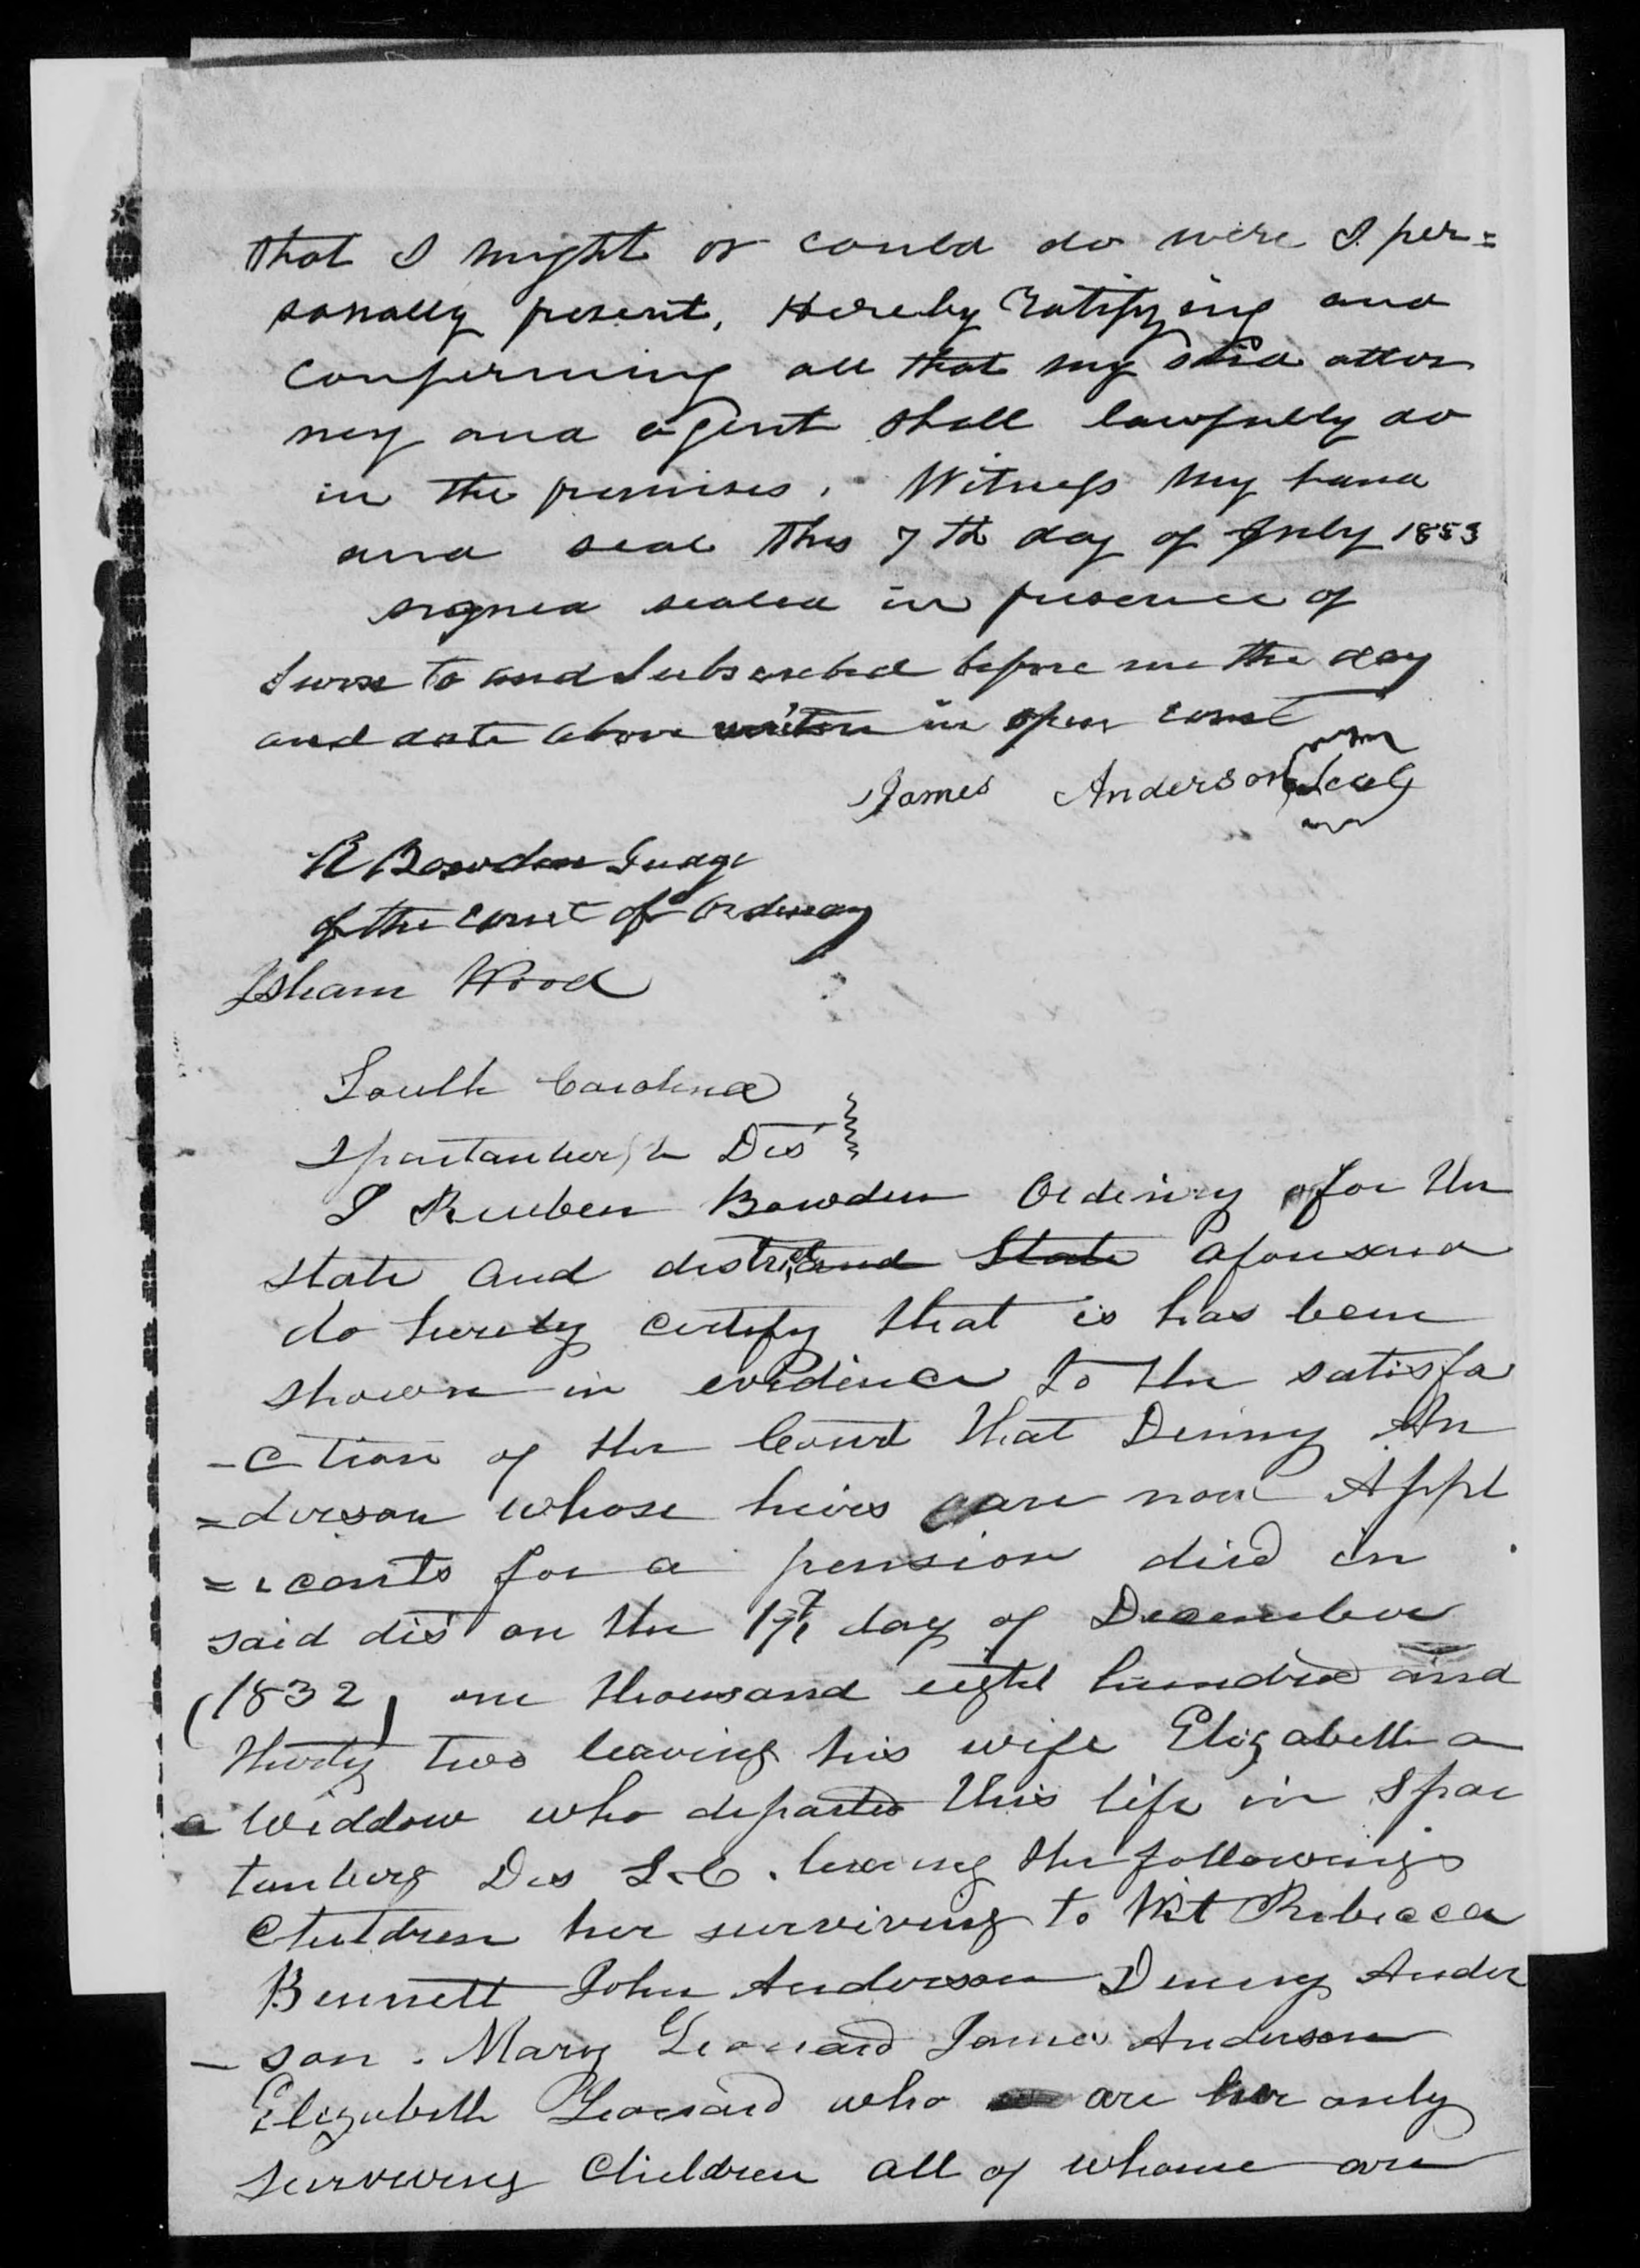that I might or could do were I personally present, hereby ratifying and confirming all that my said attorney and agent shall lawfully do in the premises, Witness my hand and seal this 7th day of July 1853 signed sealed in presence of
Sworn to and Subscribed before me the day and date above written in open court
James Anderson {Seal}
R Bowden Judge of the Court of Ordinary
Isham Wood

South Carolina
Spartanburgh Dis
I Reuben Bowden ordinary for the State and district aforesaid do hereby certify that is has been shown in evidence to the satisfaction of the Court that Denny Anderson whose heirs are now Applicants for a pension died in said dist on the 19th day of December (1832) one thousand eight hundred and thirty two leaving his wife Elizabeth a widdow who departed this life in Spartanburg Dist. S.C. leaving the following children her surviving to wit Rebecca Bennett John Anderson Denny Anderson Mary Leonard James Anderson Elizabeth Leonard who are her only surviving children all of whom are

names: Denny Anderson, James Anderson, Isham Wood, James Anderson, Mary Leonard, Denny Anderson, Elizabeth, Elizabeth Leonard, Reuben Bowden, Rebecca Bennett, John Anderson, R Bowden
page: 15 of 51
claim: widow's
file: W. 9700, Denney Anderson, S.C.